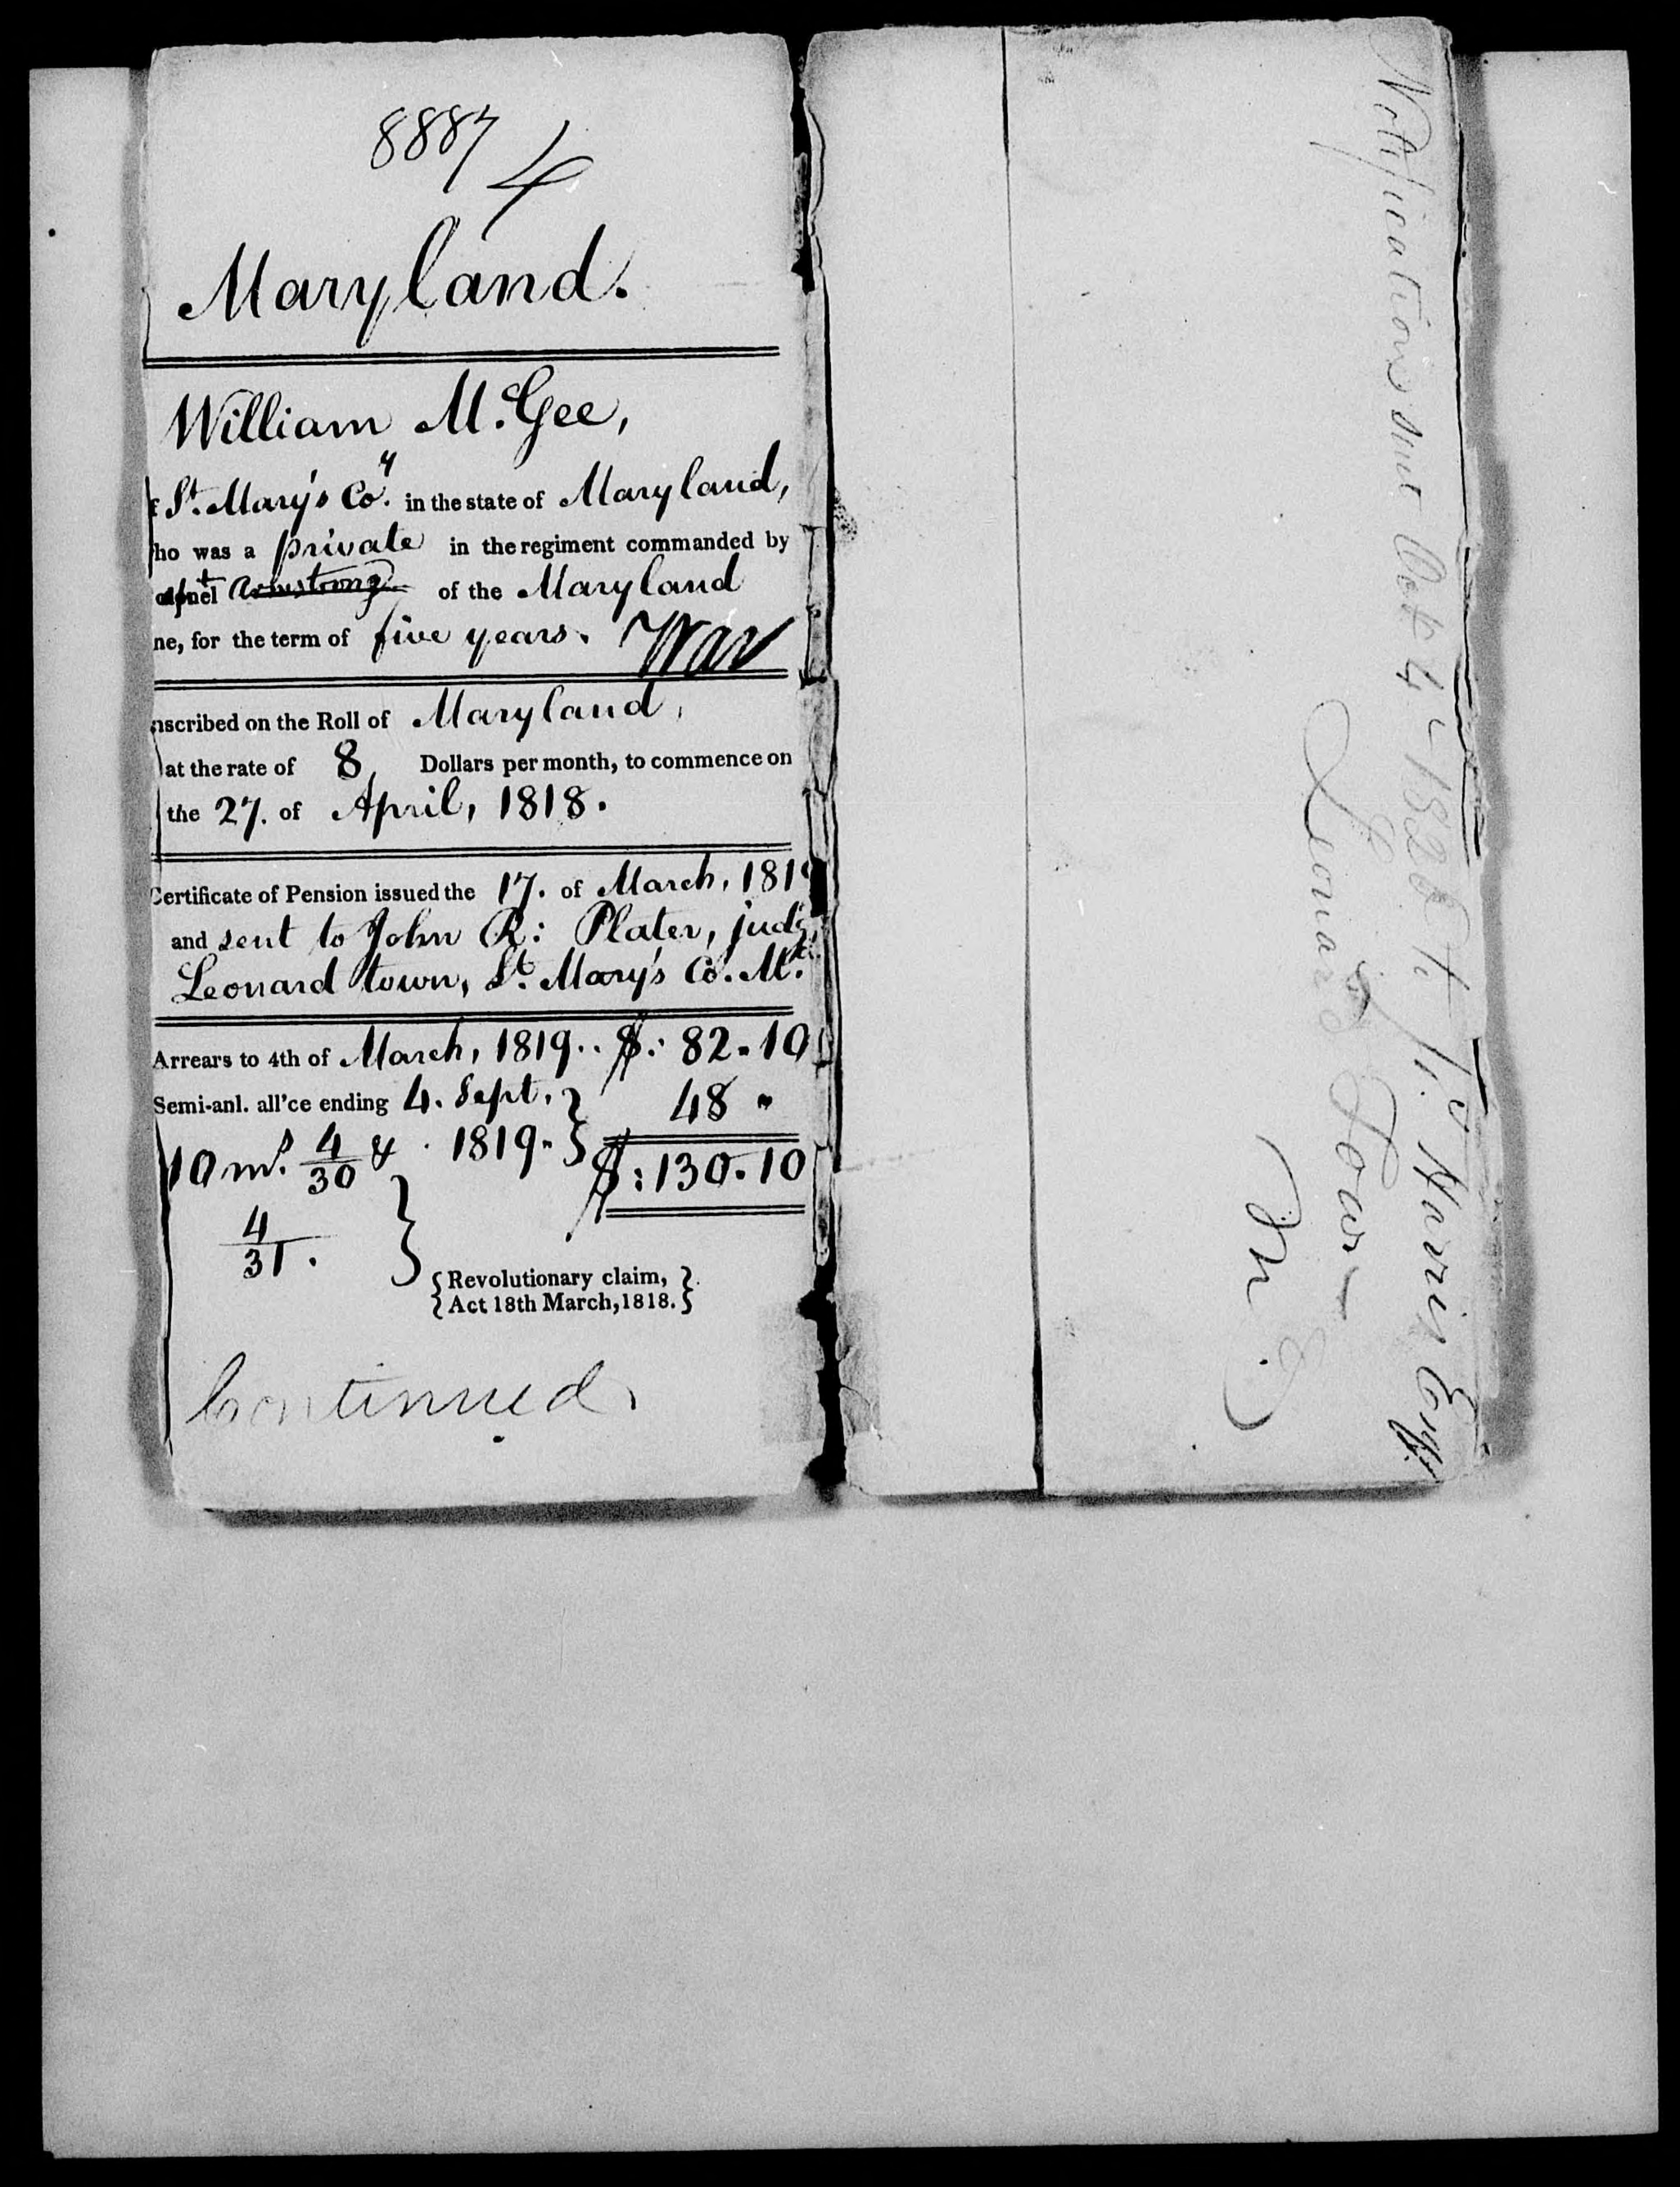[typed form, with handwritten responses]

[left side] 8887
Maryland

William M. Gee of St. Mary's Co. in the state of Maryland, who was a private in the regiment commanded by Colonel Armstrong of the Maryland line, for the term of five years. War

Inscribed on the Roll of Maryland, at the rate 8 Dollars per month, to commence on the 27 of April, 1818.

Certificate of Pension issued the 17 of March, 1819 and sent to John R. Plater, judge Leonard town, St. Mary's Co. MD.

Arrears to 4th of March 1819...$ 82.10
Semi-anl. all'ce [annuel allowance] 
ending 4 Sept. 1819}    48.00
                       $130.10   

10 ms [months] 4/30 & 4/31

{Revolutionary Claim,}
{Act 18th March 1818}

Continued

[right side written sideways] Notification sent Oct 4 1820 to T. Harris Esq. Leonard Town Md.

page: 2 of 17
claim: survivor's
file: S. 34980, for William Mc Gee, Maryland